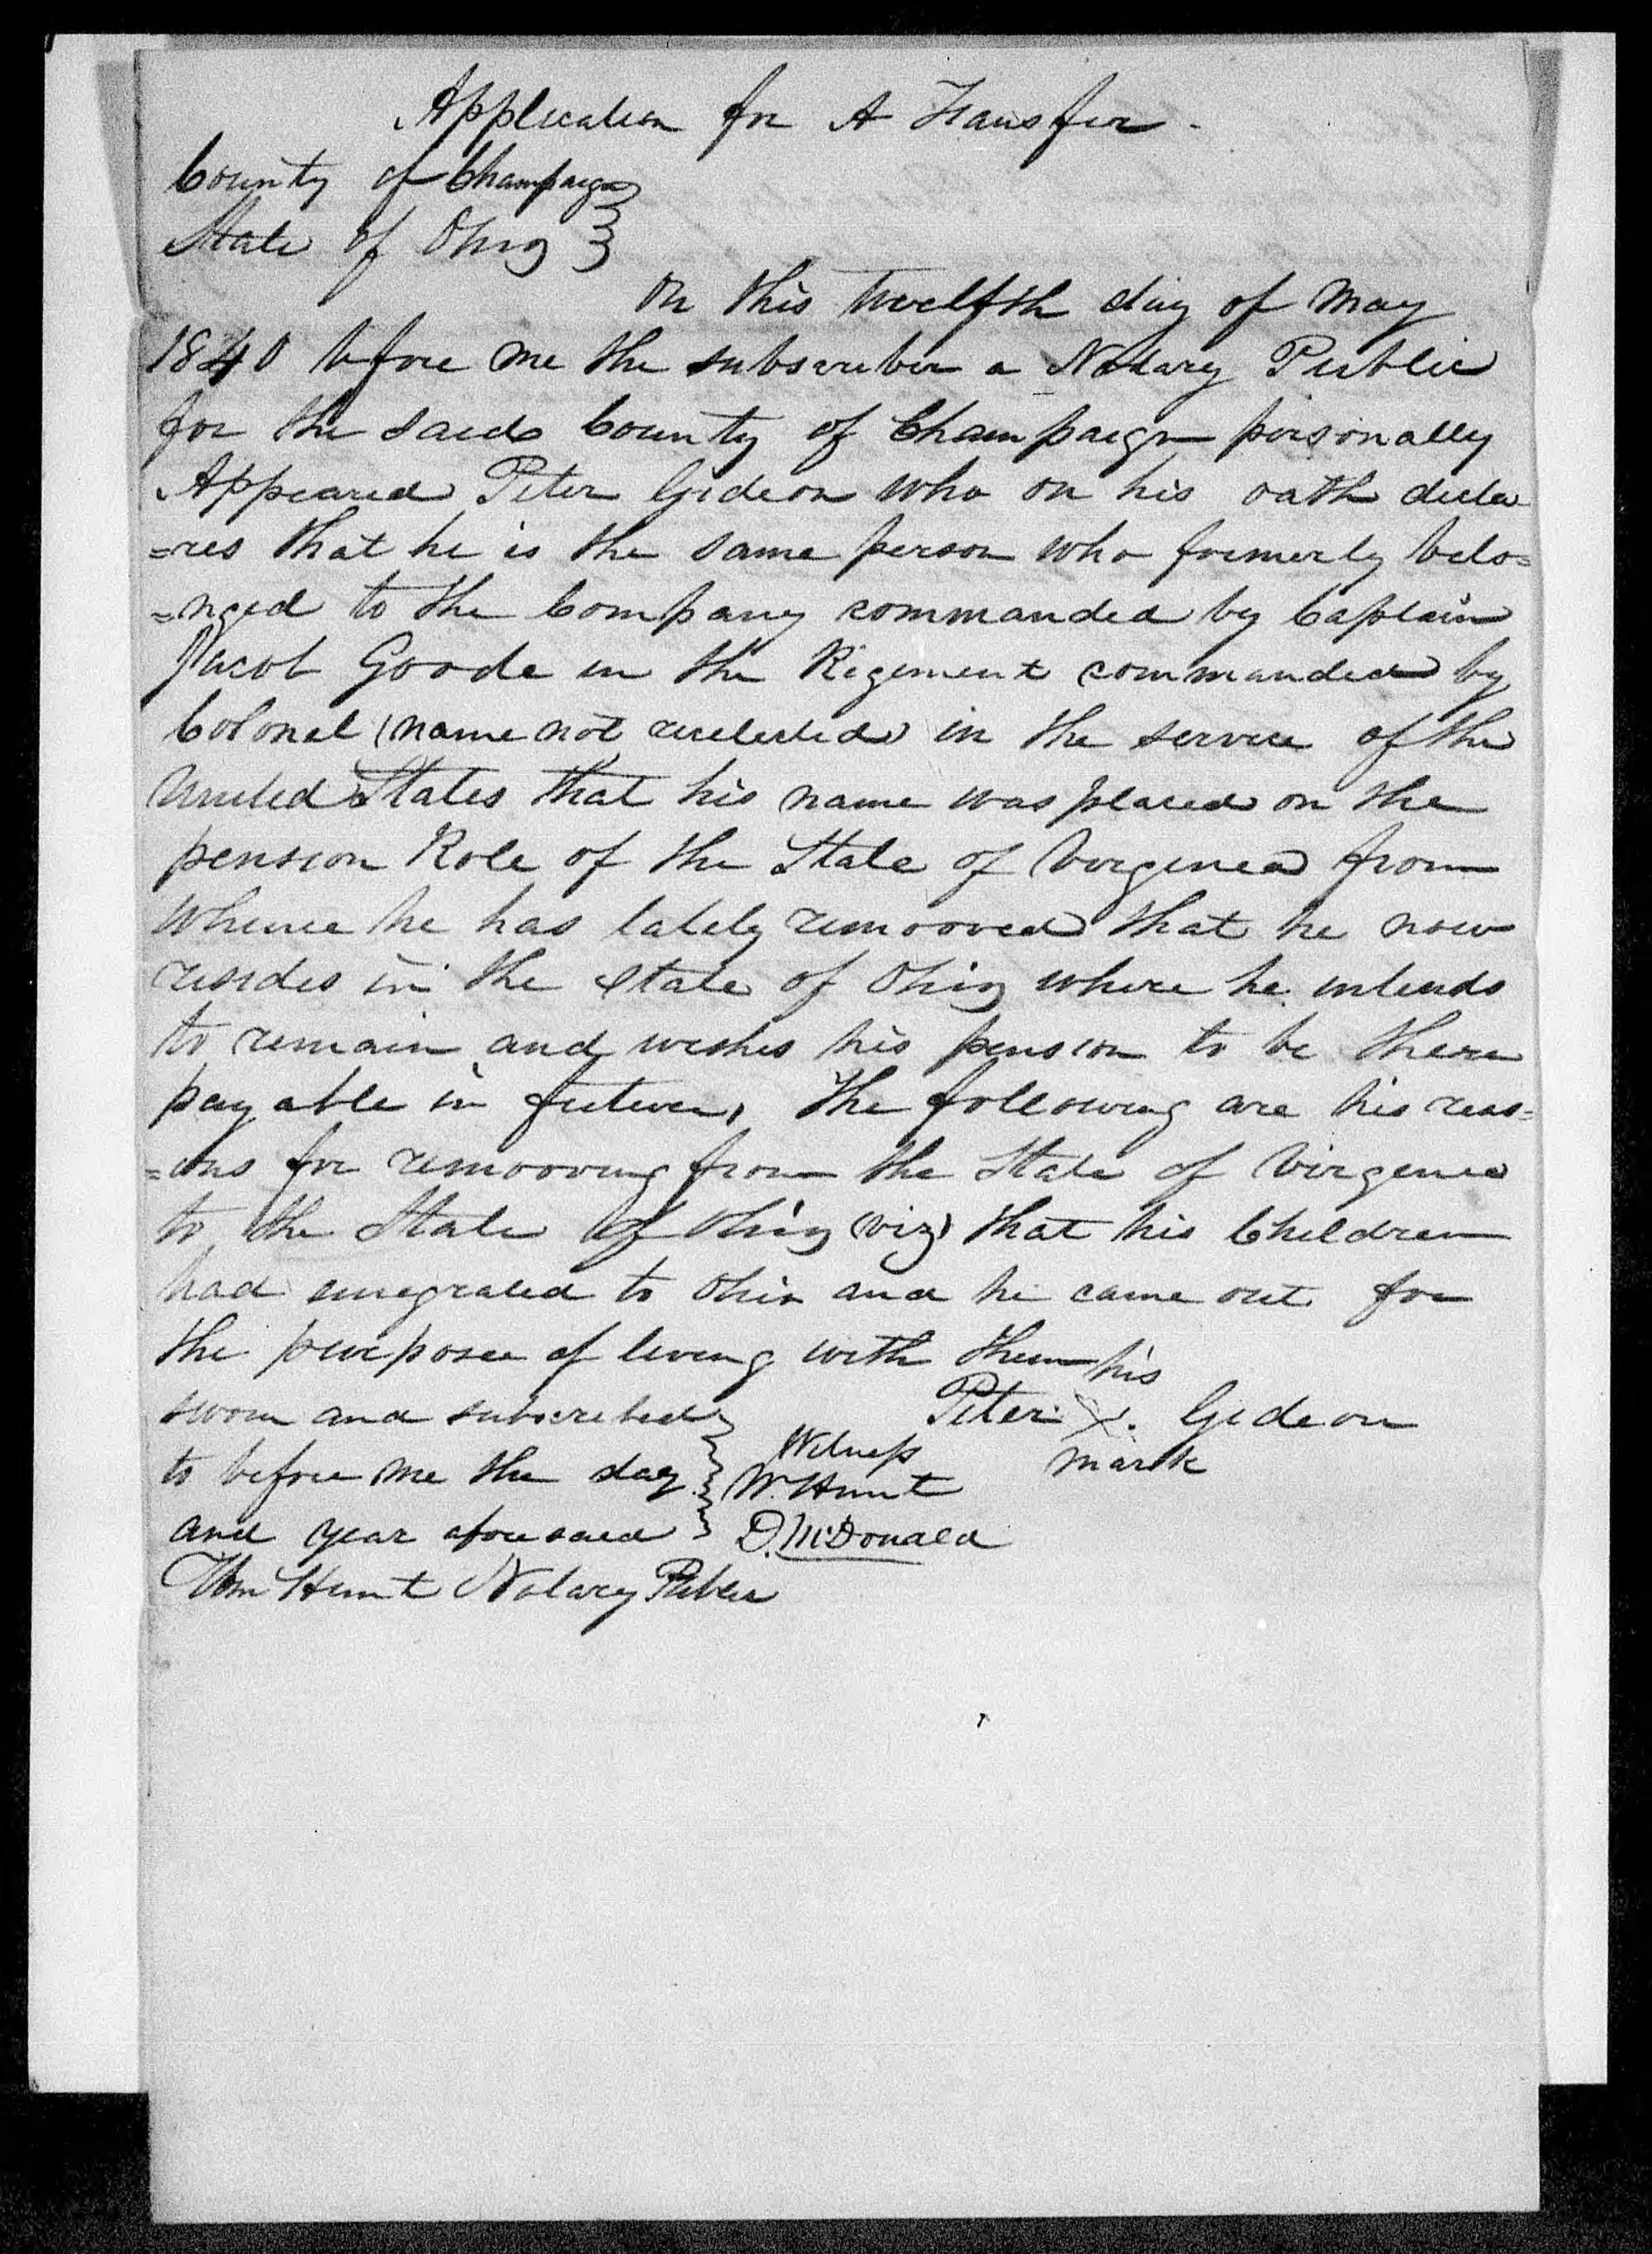Application for A Transfer
County of Champaign
State of Ohio


On this twelfth day of May
1840 before me the subscriber a Notary Public
for the said County of Champaign personally
Appeared Peter Gideon who on his oath declared that he is the same person who formerly belonged to the Company commanded by Captain Jacob Goode in the Regiment commanded by Colonel (name not recelected [sic; recollected] in the service of the United States that his name was placed on the pension Role of the State of Virginia from
whence he has lately removed that he now
resides in the State of Ohio where he intends
to remain and wishes his pension to be there
payable in future. The following are his reasons
for removing from the State of Virginia
to the State of Ohio (viz) that his children
had emigrated to Ohio and he came out for
the purpose of living with them


x his mark
Peter Gideon

Sworn and subscribed to before me the day
and year aforesaid 
Witness W.Hunt D. McDonald

Wm Hunt Notary Public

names: W Hunt, Peter Gideon, Peter Gideon, Jacob Goode, Wm Hunt, D Mc Donald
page: 30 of 64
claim: survivor's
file: S. 6887, Peter Gideon, Md.